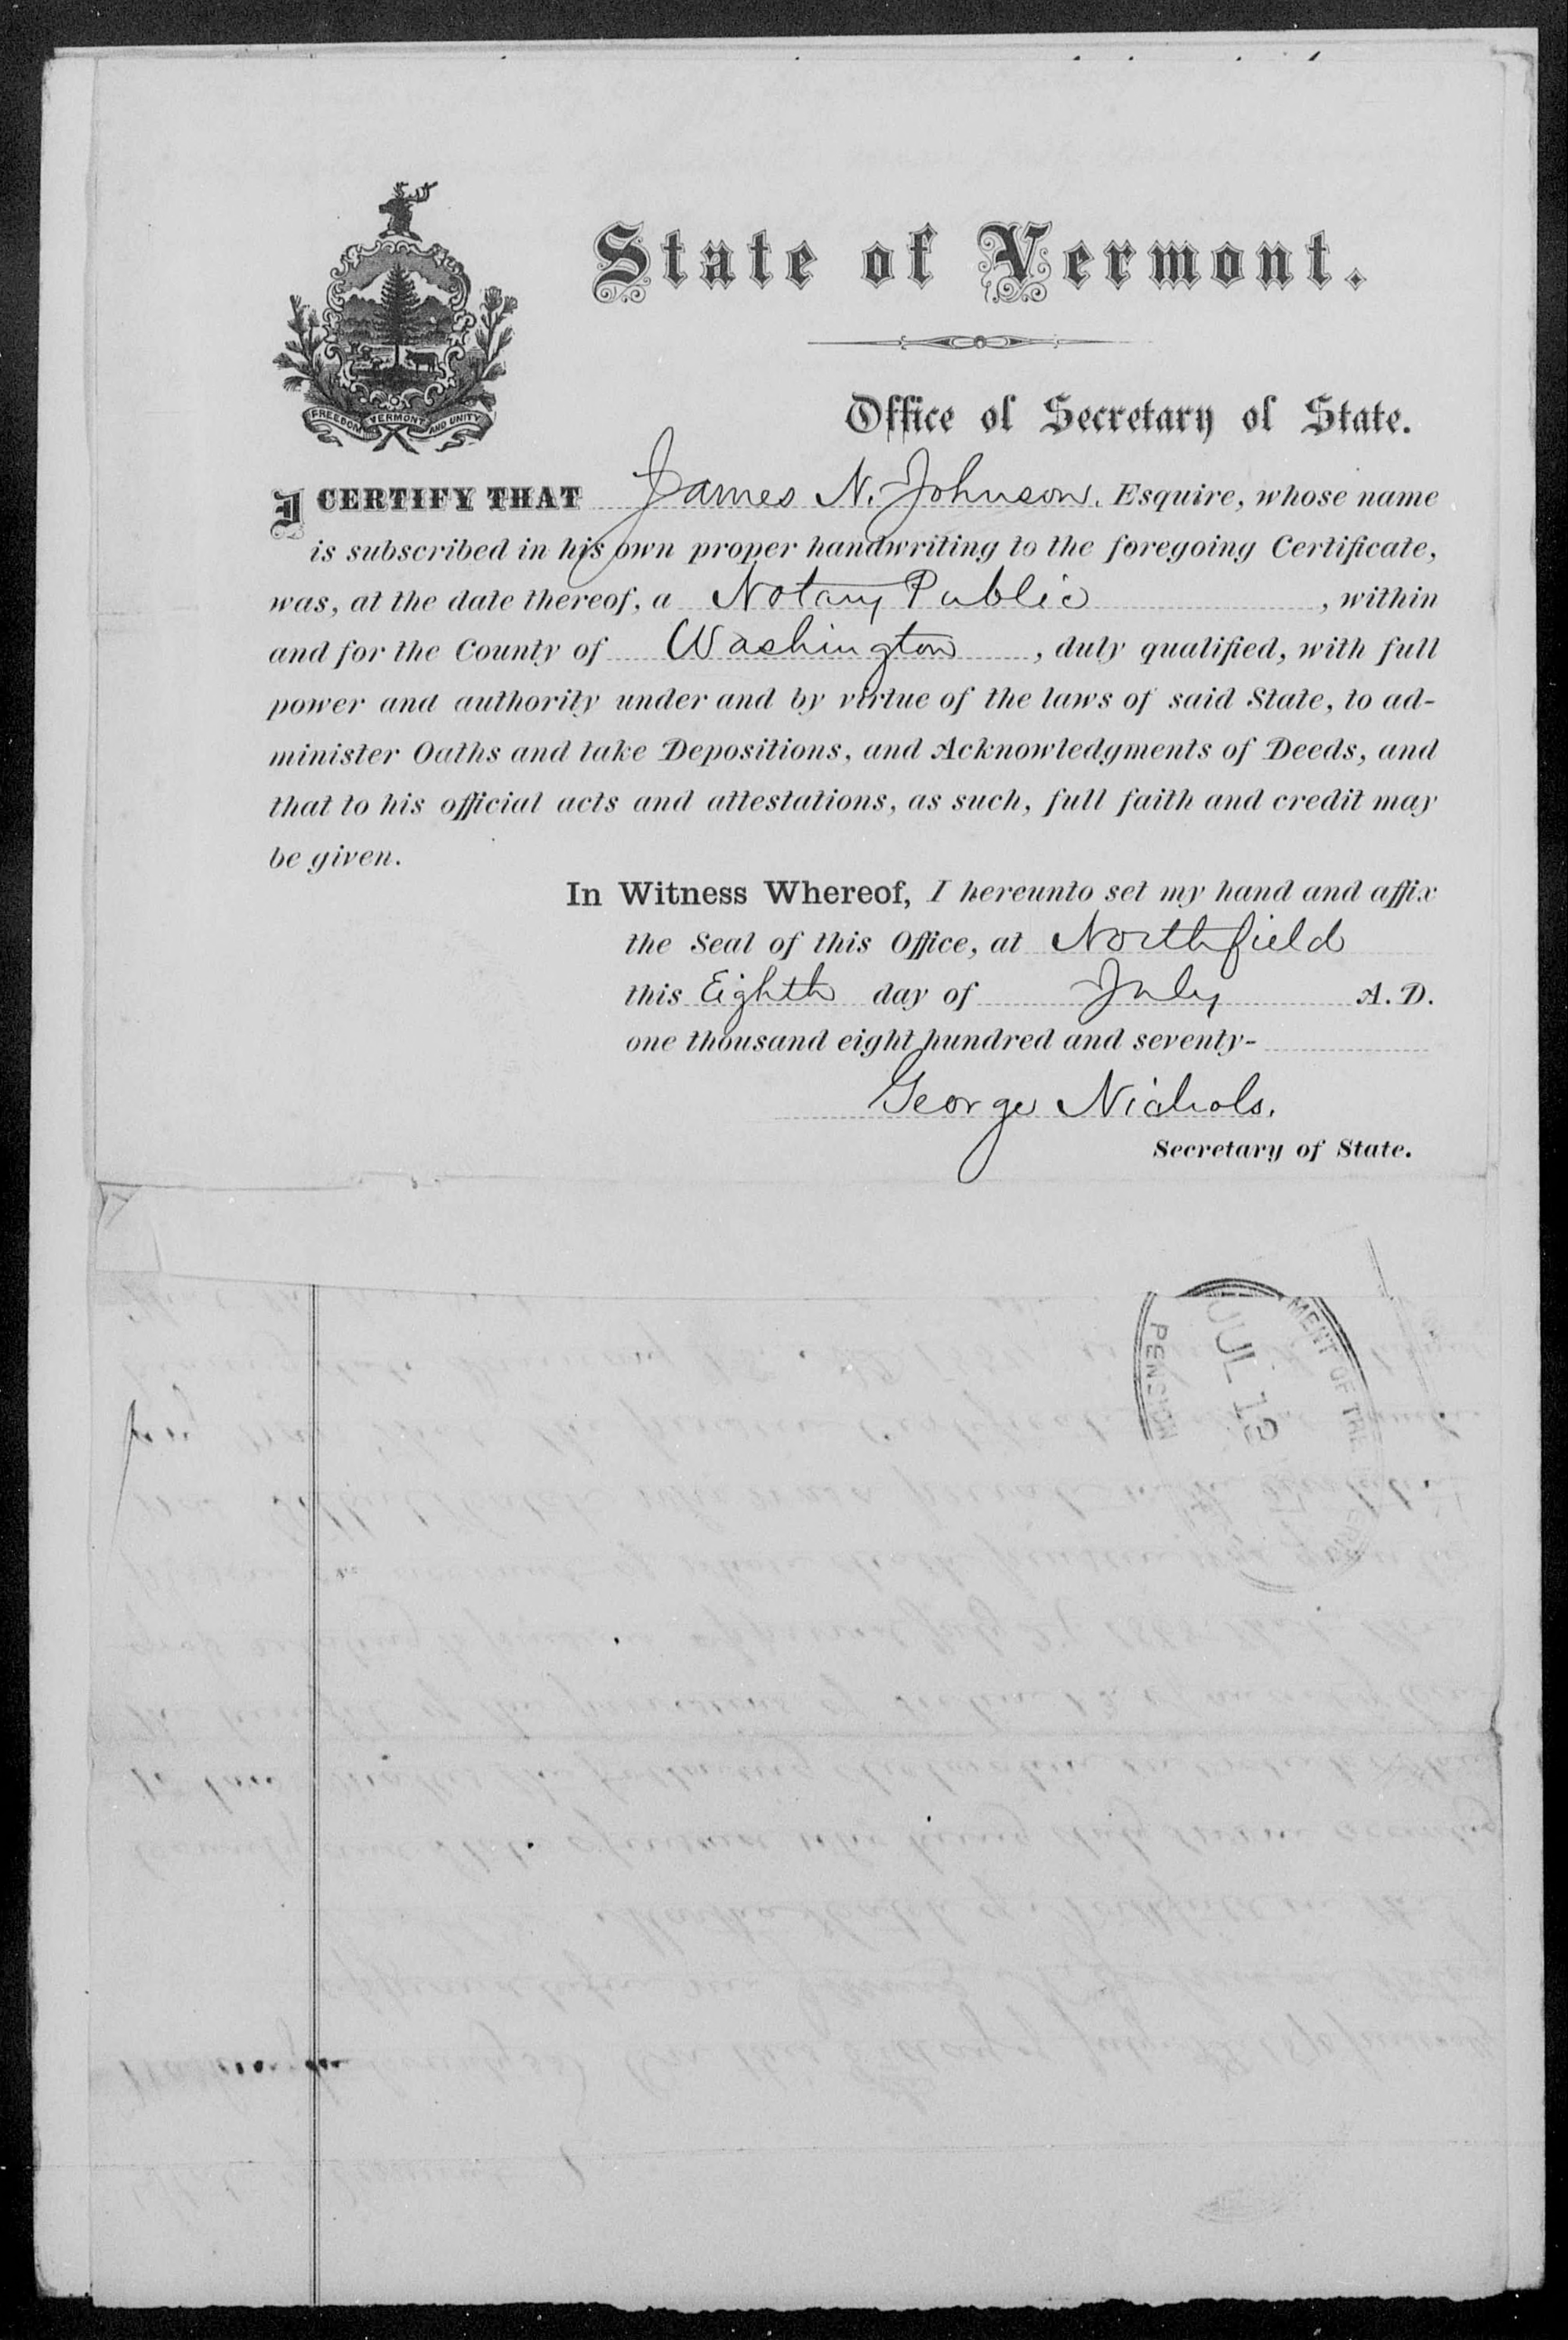State of Vermont.

Office of Secretary of State.
I CERTIFY THAT James N. Johnson, Esquire, whose name is subscribed in his own proper handwriting to the foregoing Certificate, was, at the date thereof, a Notary Public, within and for the County of Washington, duly qualified, with full power and authority under and by virtue of the laws of said State, to administer Oaths and take Depositions, and Acknowledgements of Deeds, and that to his official acts and attestations, as such, full faith and credit may be given. 

In Witness Whereof, I hereunto set my hand and affix the Seal of this Office, at Northfield this Eighth day of July A.D. one thousand eight hundred and seventy-
George Nichols,
Secretary of State.

[Stamp]
[illegible]MENT OF THE [illegible]
JUL 13 [illegible]
PENSION [illegible]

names: James N Johnson, George Nichols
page: 32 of 47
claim: widow's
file: W. 225, Gilbert Hatch, Conn.